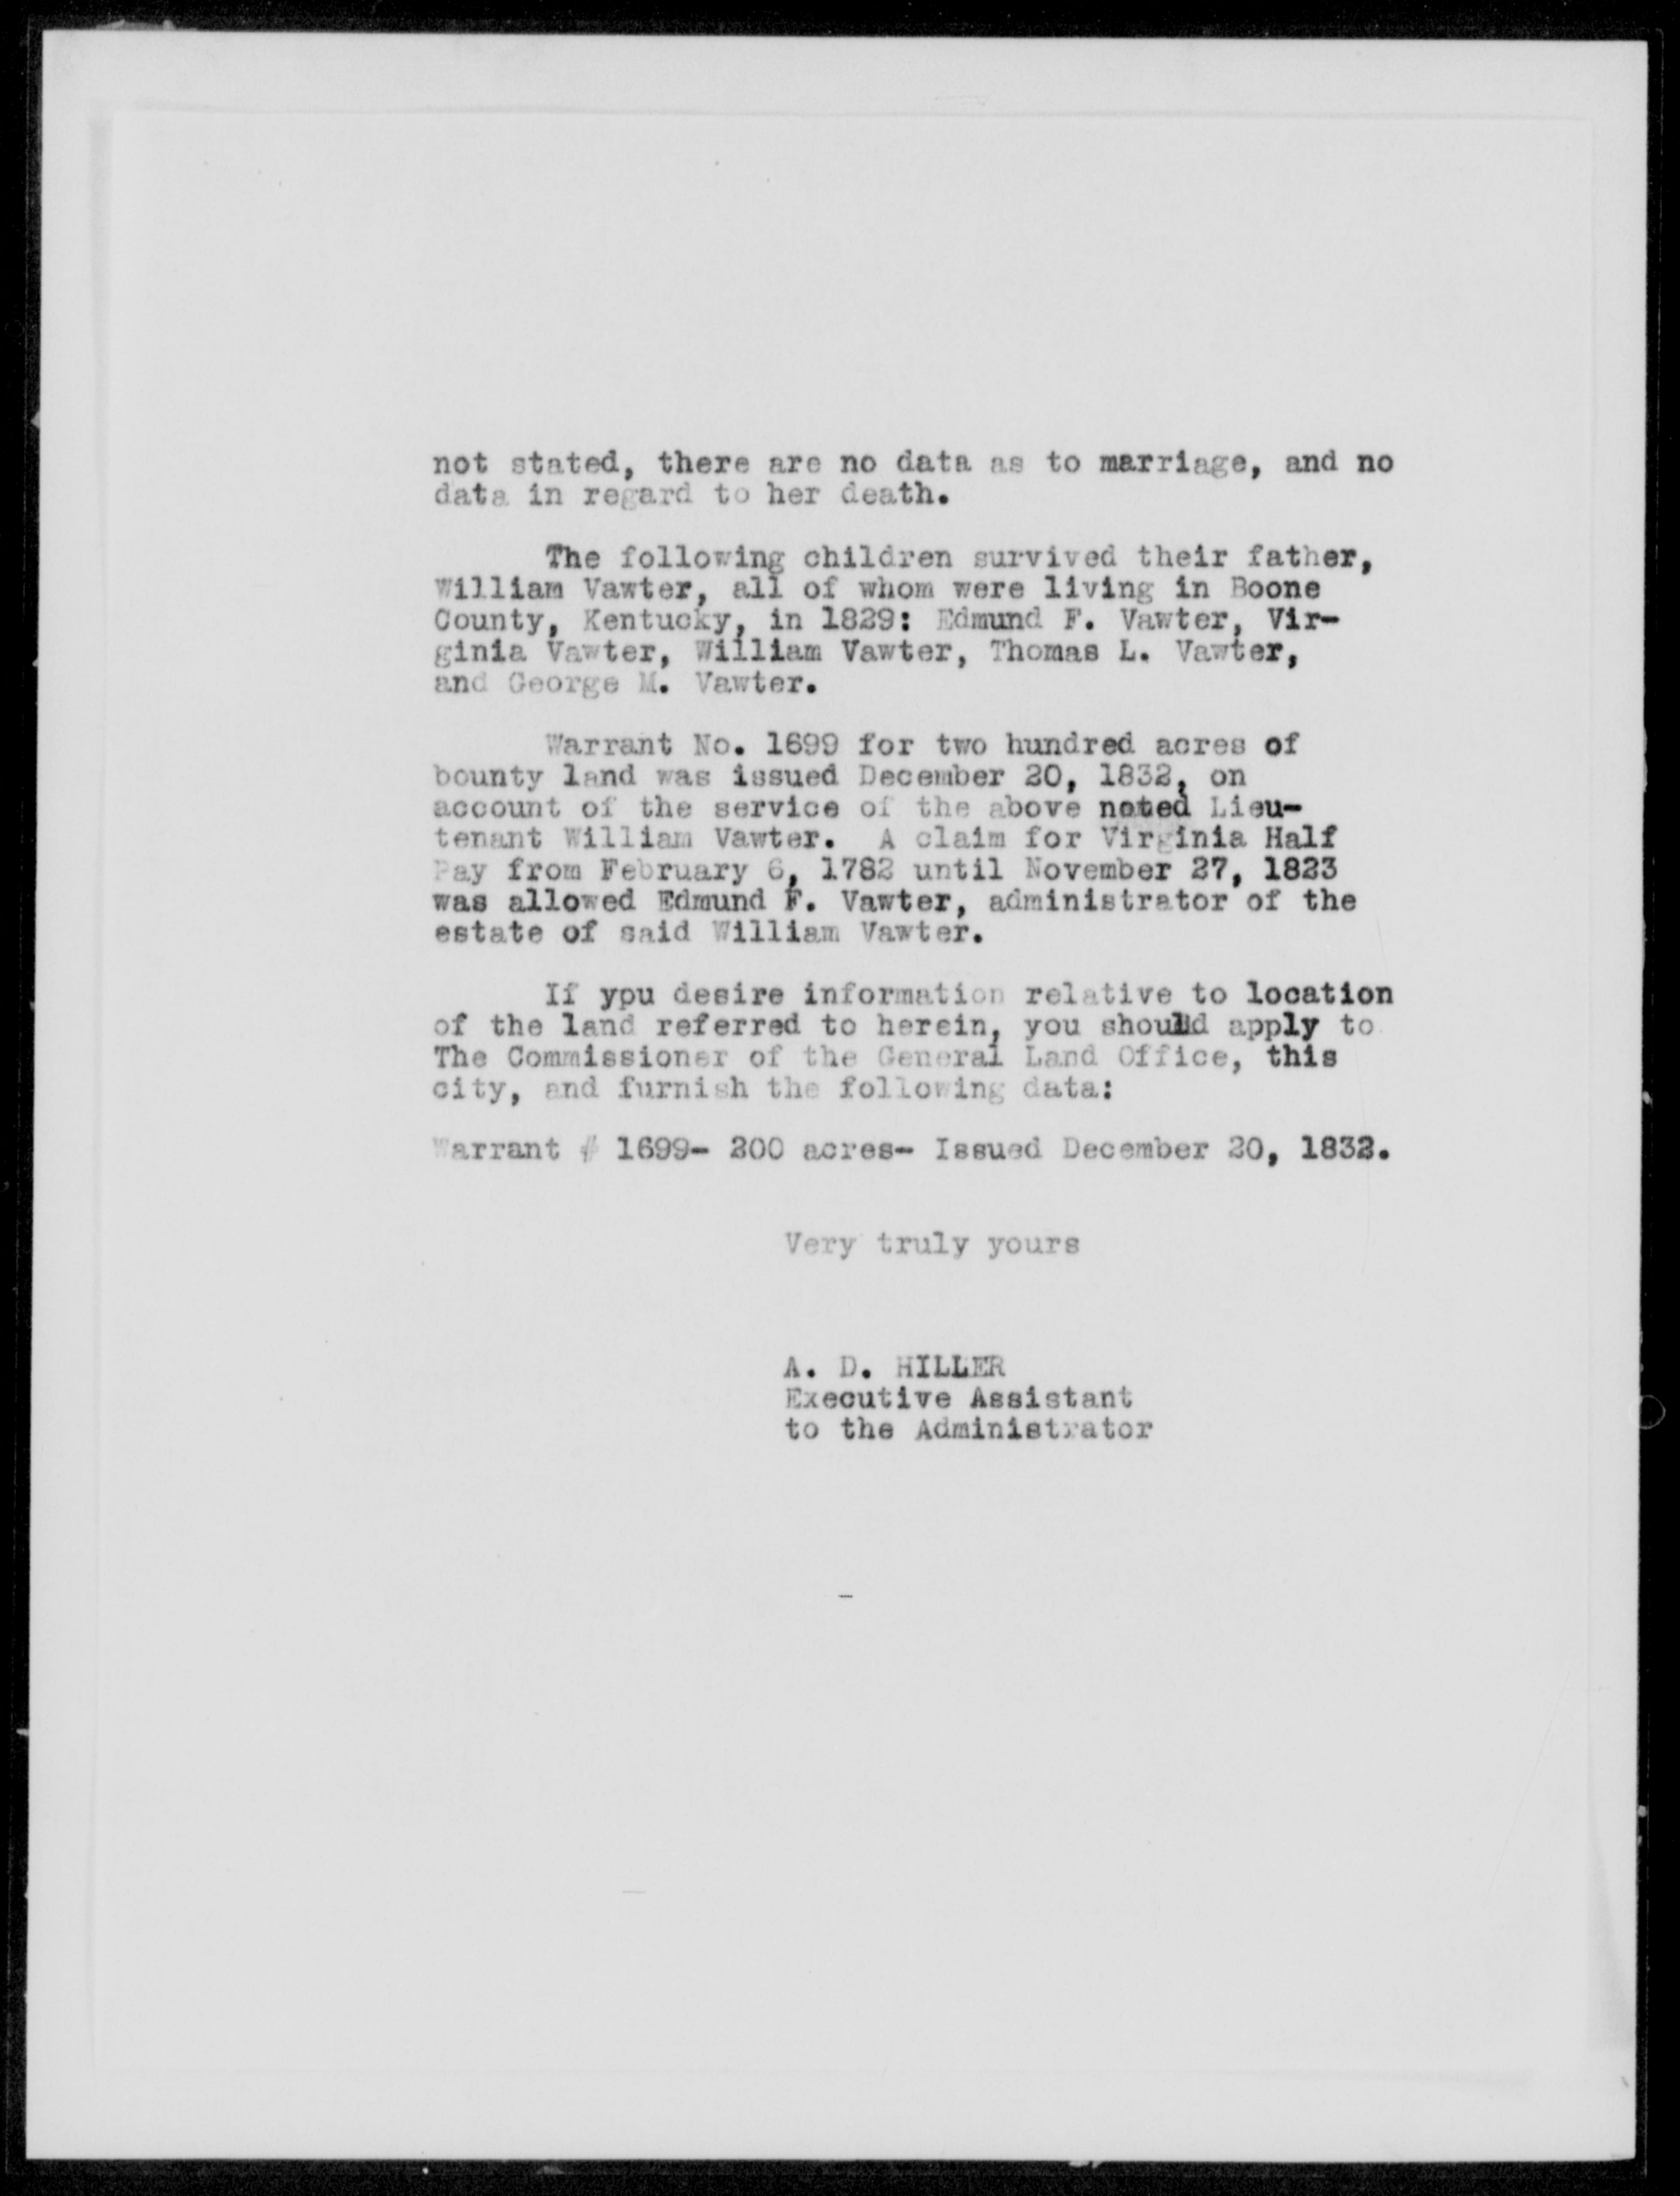not stated, there are no data as to marriage, and no
data in regard to her death.

The following children survived their father,
William Vawter, all of whom were living in Boone
County, Kentucky, in 1829; Edmund F. Vawter, Virginia
Vawter, William Vawter, Thomas L. Vawter,
and George M. Vawter.

Warrant No. 1699 for two hundred acres of
bounty land was issued December 20, 1832, on
account of the service of the above noted Lieutenant
William Vawter. A claim for Virginia Half
Pay from February 6, 1782 until November 27, 1823
was allowed Edmund F. Vawter, administrator of the
estate of said William Vawter.

If you desire information relative to location
of the land referred to herein, you should apply to
The Commissioner of the General Land Office, this
city, and furnish the following data:

Warrant #1699 - 200 acres- Issued December 20, 1832.

Very truly yours
A. D. HILLER
Executive Assistant
to the Administrator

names: William Vawter, William Vawter, Virginia Vawter, Edmund F Vawter, Thomas L Vawter, George M Vawter, William Vawter, A D Hiller, Edmund F Vawter, William Vawter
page: 28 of 51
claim: rejected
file: R. 10,921, William Vawter, Va.